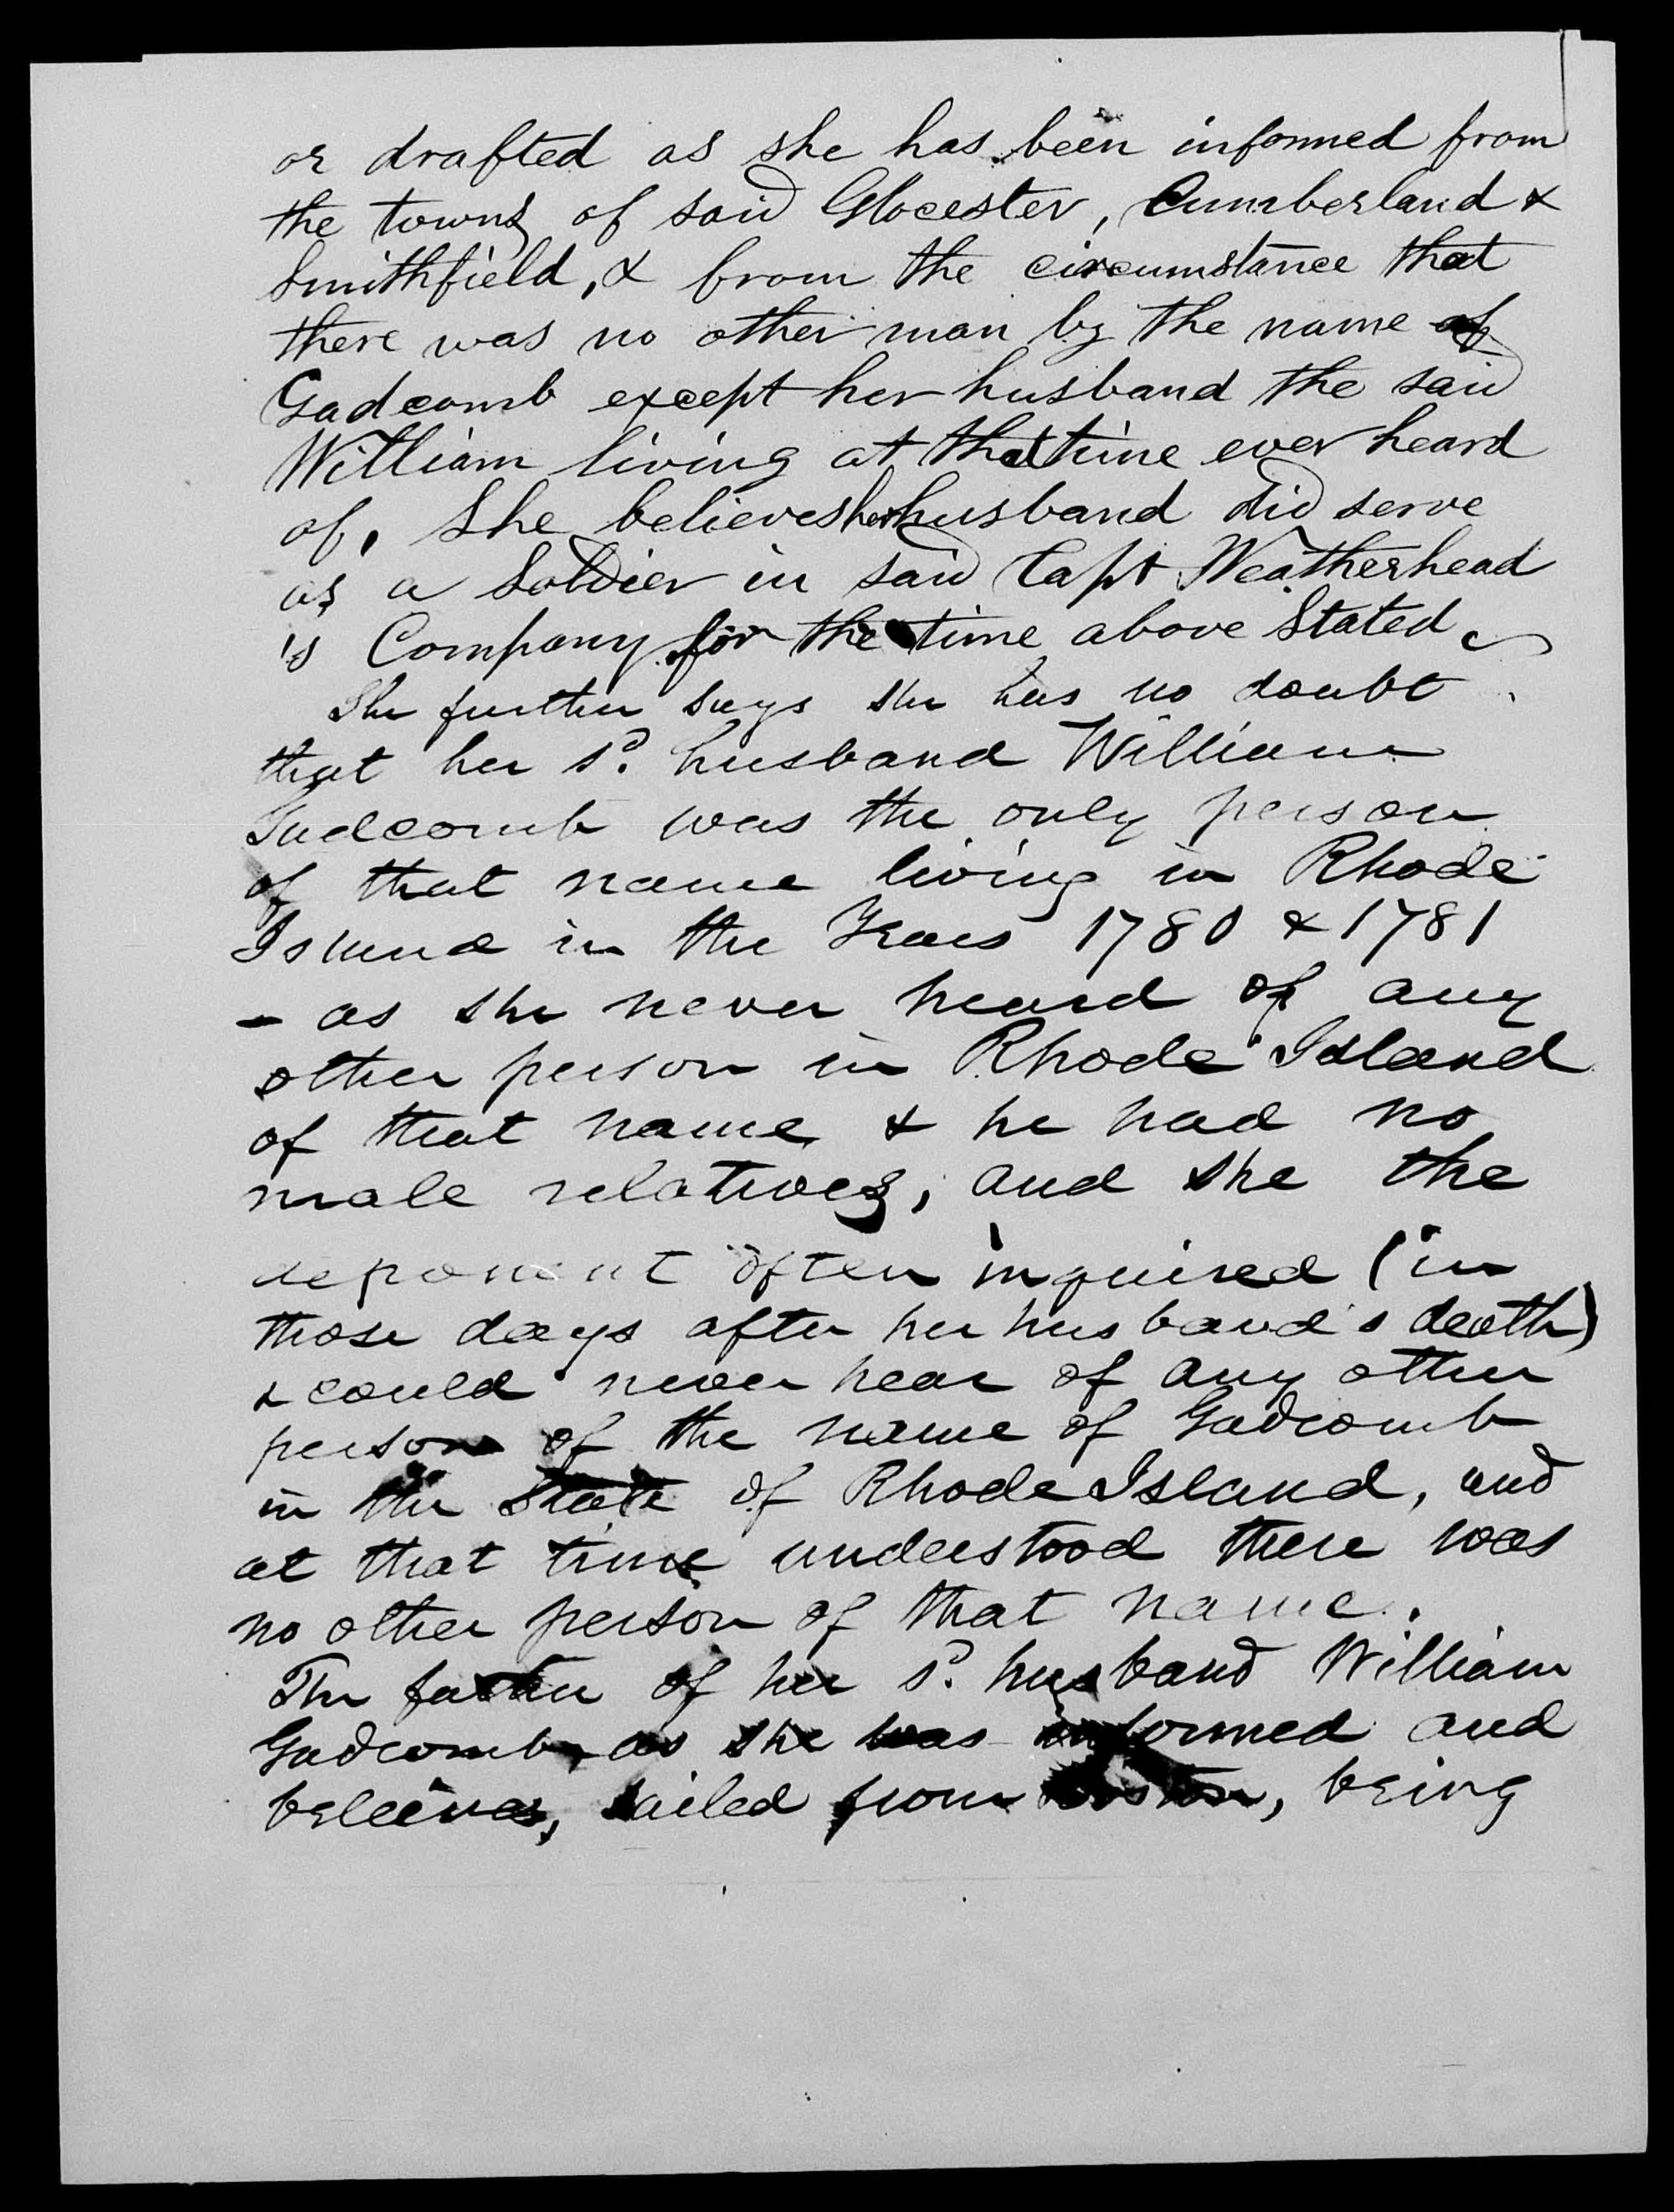or drafted as she has been informed from
the town of said Glocester, Cumberland &
Smithfield, & from the circumstance that
there was no other man by the name
Gadcomb except her husband the said
William living at that time ever heard
Of. She believes her husband did serve
as a Soldier in said Capt. Weatherhead’s 
Company for the time above stated. 
She further says she has no doubt
that her sd husband William
Gadcomb was the only person
of that name living in Rhode
Island in the years 1780 & 1781
as she never heard of any
other person in Rhode Island of
that name & he had no
male relatives, and she the
deponent often inquired
(in those days after her husband’s death) 
& could never hear of any other
person of the name of Gadcomb
in the State of Rhode Island, and
at that time understood there was
no other person of that name.
The father of her sd husband William
Gadcomb as she was informed and
believes, sailed from [illegible], being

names: Gadcomb, William Gadcomb, Gadcomb, William, William Gadcomb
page: 26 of 76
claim: widow's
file: W. 15,517, William Gadcomb, R.I.